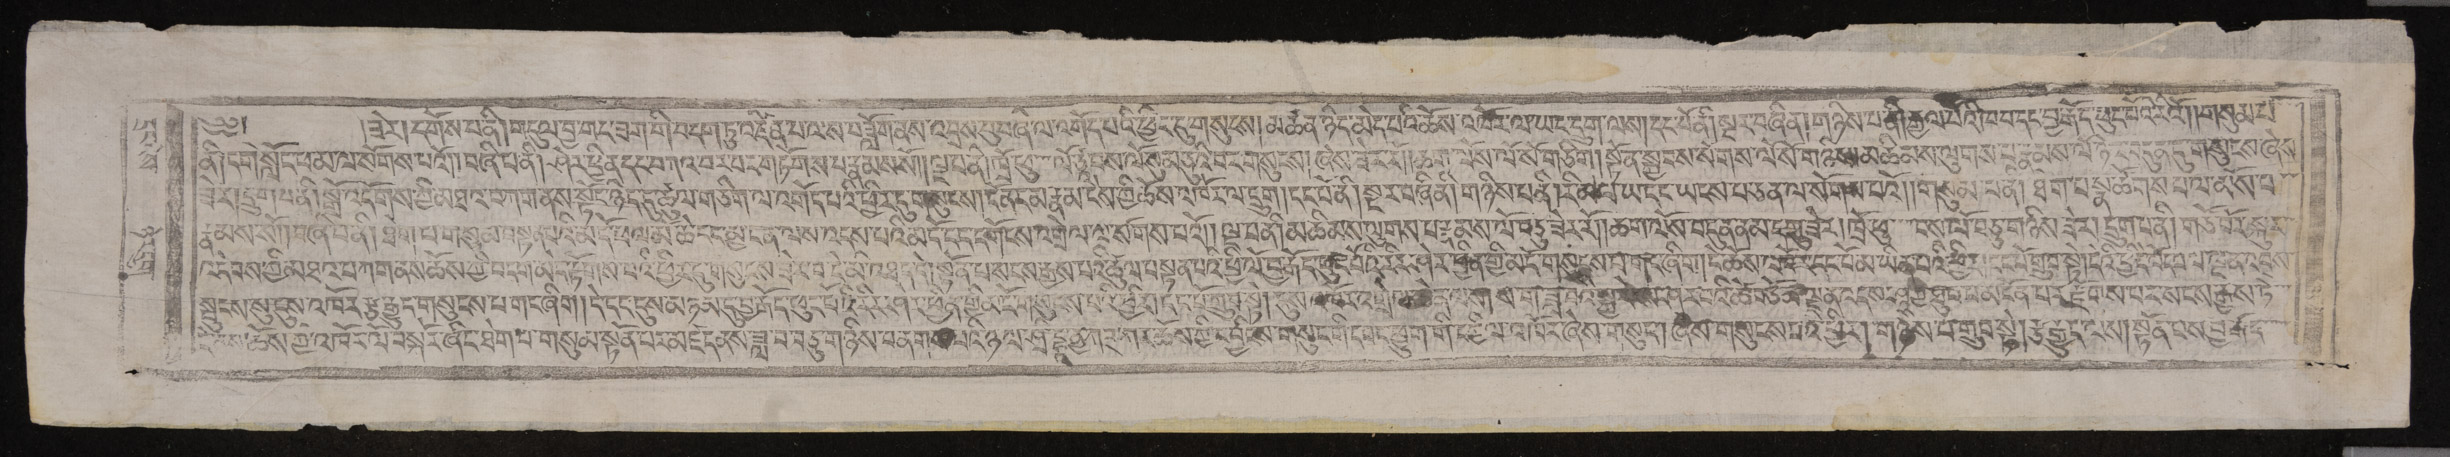༄༅། །ཟེར། དགོས་པ་ནི། གདུལ་བྱ་གང་ཟག་གི་བདག་ཏུ་འཛིན་པ་ལས་བཟློག་ནས་འབྲས་བུ་བཞི་ལ་འགོད་པའི་ཕྱིར་དུ་གསུངས། མཚན་ཉིད་མེད་པའི་ཆོས་འཁོར་ལ་ཡང་དྲུག་ལས། དང་པོ་ནི། སྔར་བཞིན། གཉིས་པ་ནི། རྒྱལ་པོའི་ཁབ་དང་བྱ་རྒོད་ཕུང་པོའི་རིའོ། །གསུམ་པ་
ནི༑ དགེ་སློང་ཕ་མ་ལ་སོགས་པའོ། །བཞི་པ་ནི། ཤེར་ཕྱིན་དང་བཀའ་བར་པར་གཏོགས་པ་རྣམས་སོ། །ལྔ་པ་ནི། ཁྲོ་ཕུ་?་ལོ་ཙལ་བས་ལོ་སུམ་ཅུའི་བར་གསུངས། ཞེས་ཟེར་རོ། །ཆག་ལོས་ལོ་སོ་གཅིག །སྟོན་སྐྱབས་སོགས་ལོ་སོ་གཉིས། མཆིམས་ལུགས་པ་རྣམས་ལོ་ཉེར་བདུན་དུ་གསུངས་ཞེས་
ཟེར། དྲུག་པ་ནི། སྒྲོ་འདོགས་ཀྱི་མཐའ་བཀག་ནས་སྟོང་ཉིད་དུ་ཚུལ་གཅིག་ལ་འགོད་པའི་ཕྱིར་དུ་གསུངས། དོན་དམ་རྣམ་ངེས་ཀྱི་ཆོས་འཁོར་ལ་དྲུག །དང་པོ་ནི། སྔར་བཞི་ནི། གཉིས་པ་ནི། རི་མལ་ཡ་དང་ཡངས་པ་ཅན་ལ་སོགས་པའོ། །གསུམ་པ་ནི། ཐེག་པ་སྣ་ཚོགས་པ་ལ་མོས་པ་
རྣམས་སོ། །བཞི་པ་ནི། ཐེག་པ་གསུམ་བསྟན་པའི་མདོ་ཕལ་མོ་ཆེ་དང་མྱ་ངན་ལས་འདས་པའི་མདོ་དང་དགོངས་འགྲེལ་ལ་སོགས་པའོ། །ལྔ་པ་ནི། མཆིམས་ལུགས་པ་རྣམས་ལོ་བཅུ་ཟེར་རོ། །ཆགས་ལོས་བདུན་ནམ་དགུ་ཟེར། ཁྲོ་ཕུ་བས་ལོ་བཅུ་གཉིས་ཟེར། དྲུག་པ་ནི། གཙོ་བོར་སྐུར་
འདབས་ཀྱི་མཐའ་བཀག་ནས་ཆོས་ཀྱི་བདག་མེད་རྟོགས་པའི་ཕྱིར་དུ་གསུངས་ཟེར་བ་དེ་མི་འཐད་དེ། སྟོན་པ་སངས་རྒྱས་པའི་ཚུལ་བསྟན་པའི་ཕྱི་ལོ་བྱ་རྒོད་ཕུང་པོའི་རིར་ཤེར་ཕྱིན་གྱི་མདོ་གསུངས་པ་གང་ཞིག །དེ་ཆོས་འཁོར་དང་པོ་མ་ཡིན་པའི་ཕྱིར། དང་པོ་གྲུབ་སྟེ། དེའི་ཕྱི་དེ་ལོ་དཔལ་ལྡན་འབྲས་
སྤུངས་སུ་དུས་འཁོར་རྩ་རྒྱུད་གསུངས་པ་གང་ཞིག །དེ་དང་དུས་མཉམ་དུ་བྱ་རྒོད་ཕུང་པོའི་རིར་ཤེར་ཕྱིན་གྱི་མདོ་གསུངས་པའི་ཕྱིར། དང་པོ་གྲུབ་སྟེ། དུས་འཁོར་འགྲེལ་ཆེན་ལས། ས་ག་ཟླ་བའི་སྐྱ་རེངས་ཤར་བའི་ཚེ་བཅོམ་ལྡན་འདས་ཤཱཀྱ་ཐུབ་པ་མངོན་པར་རྫོགས་པར་སངས་རྒྱས་ཏེ་
དེ་ནས་ཆོས་ཀྱི་འཁོར་ལོ་བསྐོར་ཞིང་ཐེག་པ་གསུམ་སྟོན་པར་མཛད་ནས་ཟླ་བ་བཅུ་གཉིས་པ་ནགས་པའི་ཉ་ལ་ཤྲི་དྷཱ་ནྱ་ཀ་ཊ་ཀར་ཆོས་ཀྱི་དབྱིངས་གསུང་གི་དབང་ཕྱུག་གི་དཀྱིལ་འཁོར་ཞེས་གསུང་། ཞེས་གསུངས་པའི་ཕྱིར། གཉིས་པ་གྲུབ་སྟེ། རྩ་རྒྱུད་ལས། སྟོན་པས་བྱ་རྒོད་